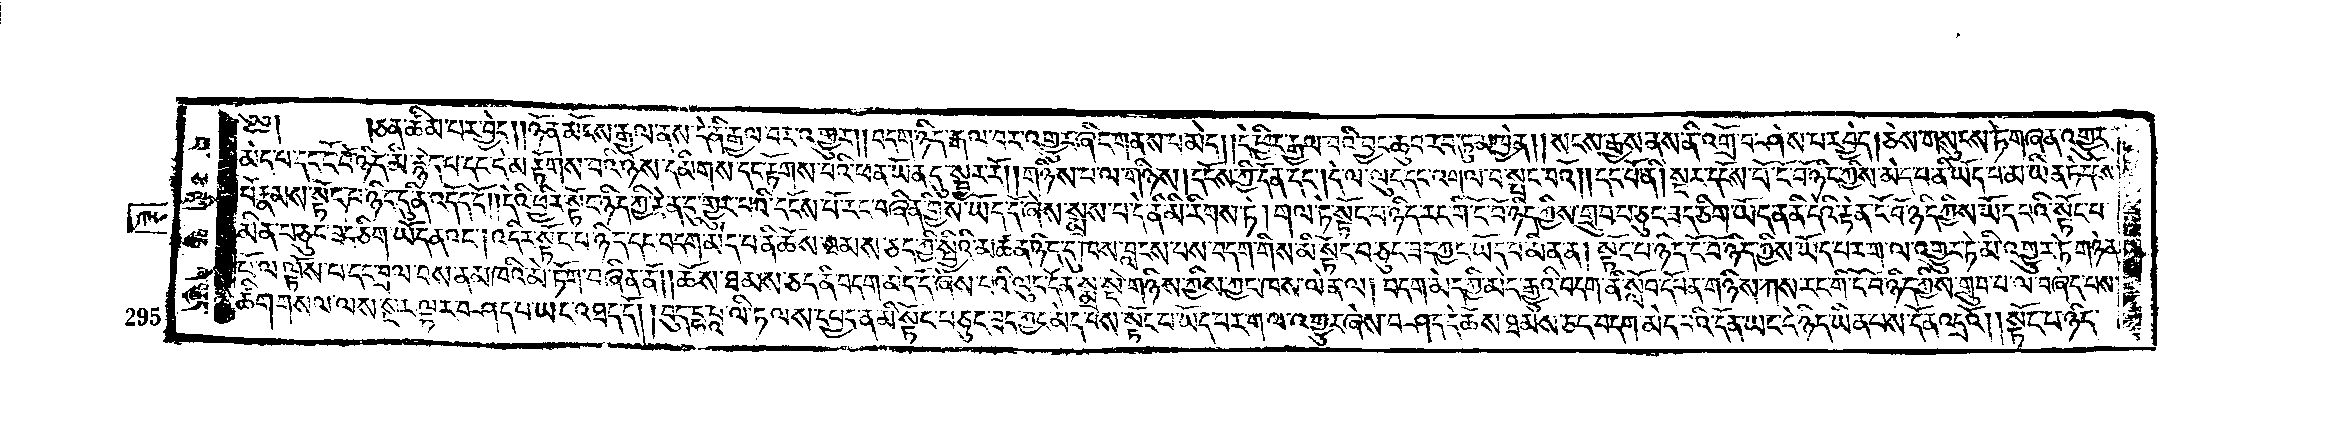༄༅། །ཅན་ཚིམ་པར་བྱེད། །ཉོན་མོངས་རྒྱལ་ནས་དེ་ནི་རྒྱལ་བར་འགྱུར། །བདག་ཉིད་རྒྱལ་བར་འགྱུར་ཞིང་གནས་པ་མེད། །དེ་ཕྱིར་རྒྱལ་བའི་བྱང་ཆུབ་རབ་ཏུ་མཁྱེན། །སངས་རྒྱས་ནས་ནི་འགྲོ་བ་ཤེས་པར་བྱེད། ཅེས་གསུངས་ཏེ་གཞན་འགྱུར་
མེད་པ་དང་ངོ་བོ་ཉིད་མི་རྙེད་པ་དང་དེ་མ་རྟོགས་པའི་ཉེས་དམིགས་དང་རྟོགས་པའི་ཕན་ཡོན་དུ་སྦྱར་རོ། །གཉིས་པ་ལ་གཉིས། དངོས་ཀྱི་དོན་དང་། དེ་ལ་ལུང་དང་འགལ་བ་སྤང་བའོ། །དང་པོ་ནི། སྔར་དངོས་པོ་ངོ་བོ་ཉིད་ཀྱིས་མེད་པ་ནི་ཡོད་པ་མ་ཡིན་ཏེ་དངོས་
པོ་རྣམས་སྟོང་པ་ཉིད་དུ་ནི་འདོད་དོ། །དེའི་ཕྱིར་སྟོང་ཉིད་ཀྱི་རྟེན་དུ་གྱུར་པའི་དངོས་པོ་རང་བཞིན་གྱིས་ཡོད་དོ་ཞེས་སྨྲས་པ་དེ་ནི་མི་རིགས་ཏེ། གལ་ཏེ་སྟོང་པ་ཉིད་རང་གི་ངོ་བོ་ཉིད་ཀྱིས་གྲུབ་པ་ཅུང་ཟད་ཅིག་ཡོད་ན་ནི་དེའི་རྟེན་ངོ་བོ་ཉིད་ཀྱིས་ཡོད་པའི་སྟོང་པ་
མིན་པ་ཅུང་ཟད་ཅིག་ཡོད་ནའང་། འདིར་སྟོང་པ་ཉིད་དང་བདག་མེད་པ་ནི་ཆོས་ཐམས་ཅད་ཀྱི་སྤྱིའི་མཚན་ཉིད་དུ་ཁས་བླངས་པས་བདག་གིས་མི་སྟོང་པ་ཅུང་ཟད་ཀྱང་ཡོད་པ་མིན་ན། སྟོང་པ་ཉིད་ངོ་བོ་ཉིད་ཀྱིས་ཡོད་པར་ག་ལ་འགྱུར་ཏ་མི་འགྱུར་ཏེ་གཉེན་
པོ་ལ་ལྟོས་པ་དང་བྲལ་བས་ནམཁའི་མེ་ཏོག་བཞིན་ནོ། །ཆོས་ཐམས་ཅད་ནི་བདག་མེད་དོ་ཞེས་པའི་ལུང་དོན་སྨྲ་སྡེ་གཉིས་ཀྱིས་ཀྱང་ཁས་ལེན་ལ། བདག་མེད་ཀྱི་མེད་རྒྱུའི་བདག་ནི་སློབ་དཔོན་གཉིས་ཀས་རང་གི་ངོ་བོ་ཉིད་ཀྱིས་གྲུབ་པ་ལ་བཞེད་པས་
ཚིག་གསལ་ལས་སྔར་ལྟར་བཤད་པ་ཡང་འཐད་དོ། །བུད་དྷ་པཱ་ལི་ཏ་ལས་དཔྱད་ན་མི་སྟོང་པ་ཅུང་ཟད་ཀྱང་མེད་པས་སྟོང་པ་ཡོད་པར་ག་ལ་འགྱུར་ཞེས་བཤད་དེ་ཆོས་ཐམས་ཅད་བདག་མེད་པའི་དོན་ཡང་དེ་ཉིད་ཡིན་པས་དོན་འདྲའོ། །སྟོང་པ་ཉིད་